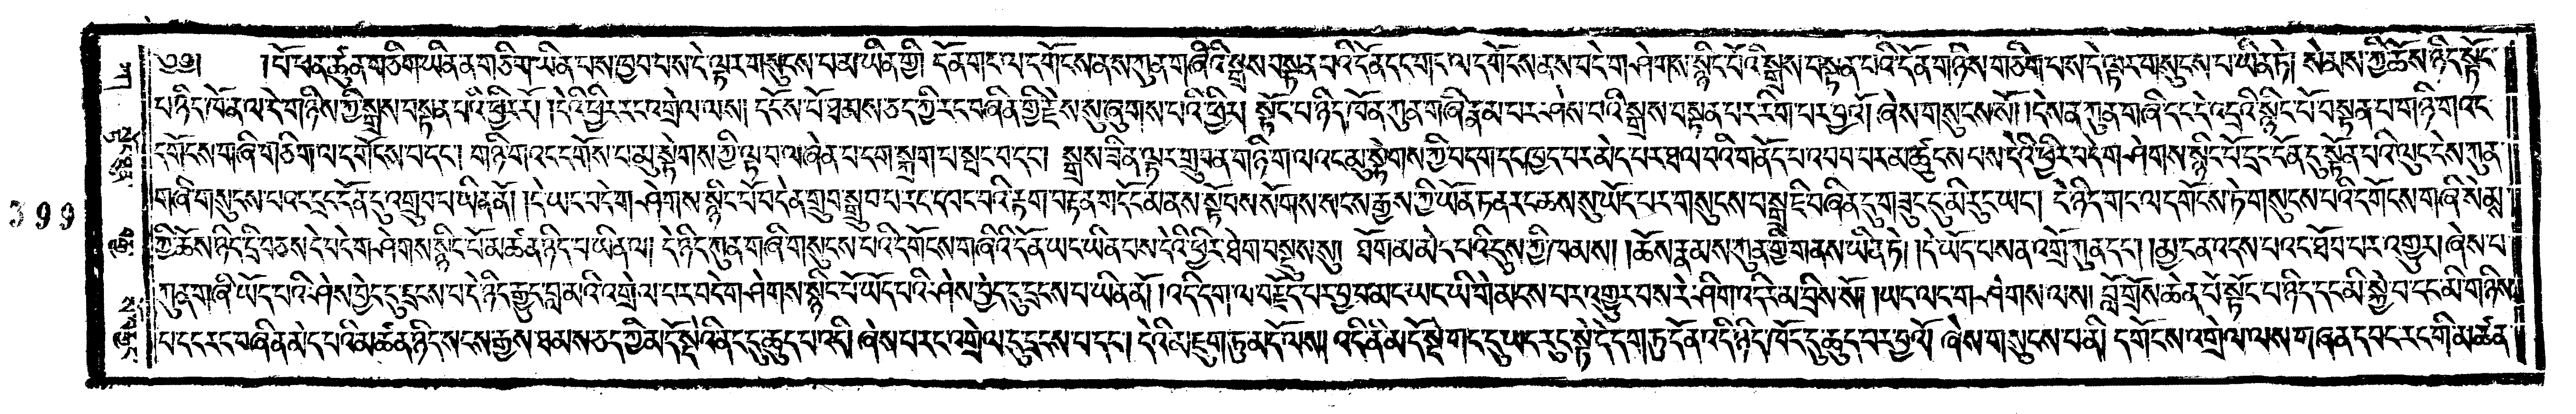༄༅། །པོ་ཕན་ཚུན་གཅིག་ཡིན་ན་གཅིག་ཡིན་པས་ཁྱབ་པས་དེ་ལྟར་གསུངས་པ་མ་ཡིན་གྱི། དོན་གང་ལ་དགོངས་ནས་ཀུན་གཞིའི་སྒྲས་བསྟན་པའི་དོན་དང་གང་ལ་དགོངས་ནས་བདེ་གཤེགས་སྙིང་པོའི་སྒྲས་བསྟན་པའི་དོན་གཉིས་གཅིག་པས་དེ་ལྟར་གསུངས་པ་ཡིན་ཏེ། སེམས་ཀྱི་ཆོས་ཉིད་སྟོང་
པ་ཉིད་ཁོ་ན་ལ་དེ་གཉིས་ཀྱི་སྒྲས་བསྟན་པའི་ཕྱིར་རོ། །དེའི་ཕྱིར་རང་འགྲེལ་ལས། དངོས་པོ་ཐམས་ཅད་ཀྱི་རང་བཞིན་གྱི་རྗེས་སུ་ཞུགས་པའི་ཕྱིར། སྟོང་པ་ཉིད་ཁོ་ན་ཀུན་གཞི་རྣམ་པར་ཤེས་པའི་སྒྲས་བསྟན་པར་རིག་པར་བྱའོ། ཞེས་གསུངས་སོ། །དེས་ན་ཀུན་གཞི་དང་དེ་འདྲའི་སྙིང་པོ་བསྟན་པ་གཉི་གའང་
དགོངས་གཞི་གཅིག་ལ་དགོངས་པ་དང་། གཉི་གའང་དགོས་པ་མུ་སྟེགས་ཀྱི་ལྟ་བ་ལ་ཞེན་པ་དག་སྐྲག་པ་སྤང་བ་དང་། སྒྲས་ཟིན་ལྟར་གྲུབ་ན་གཉི་ག་ལའང་མུ་སྟེགས་ཀྱི་བདག་དང་ཁྱད་པར་མེད་པར་ཐལ་བའི་གནོད་པ་འབབ་པར་མཚུངས་བས་དེའི་ཕྱིར་བདེ་གཤེགས་སྙིང་པོ་དྲང་དོན་དུ་སྟོན་པའི་ལུང་དེས་ཀུན་
གཞི་གསུངས་པའང་དྲང་དོན་དུ་འགྲུབ་པ་ཡིན་ནོ། །དེ་ཡང་བདེ་གཤེགས་སྙིང་པོ་བདེན་གྲུབ་སྒྲུབ་པ་རང་དབང་བའི་རྟག་བརྟན་གདོང་མནས་སྟོབས་སོགས་སངས་རྒྱས་ཀྱི་ཡོན་ཏན་རང་ཆས་སུ་ཡོད་པར་གསུངས་བ་སྒྲ་ཇི་བཞིན་དུ་གཟུང་དུ་མི་རུང་ཡང་། དེ་ཉིད་གང་ལ་དགོངས་ཏེ་གསུངས་པའི་དགོངས་གཞི་སེམས་
ཀྱི་ཆོས་ཉིད་དྲི་བཅས་དེ་བདེ་གཤེགས་སྙིང་པོ་མཚན་ཉིད་པ་ཡིན་ལ། དེ་ཉིད་ཀུན་གཞི་གསུངས་པའི་དགོངས་གཞིའི་དོན་ཡང་ཡིན་པས་དེའི་ཕྱིར་ཐེག་བསྡུས་སུ། ཐོག་མ་མེད་པའི་དུས་ཀྱི་ཁམས། །ཆོས་རྣམས་ཀུན་གྱི་གནས་ཡིན་ཏེ། །དེ་ཡོད་པས་ན་འགྲོ་ཀུན་དང་། །མྱ་ངན་འདས་པའང་ཐོབ་པར་འགྱུར། ཞེས་པ་
ཀུན་གཞི་ཡོད་པའི་ཤེས་བྱེད་དུ་དྲངས་པ་དེ་ཉིད་རྒྱུད་བླ་མའི་འགྲེལ་པར་བདེ་གཤེགས་སྙིང་པོ་ཡོད་པའི་ཤེས་བྱེད་དུ་དྲངས་པ་ཡིན་ནོ། །འདི་དག་ལ་བརྗོད་པར་བྱ་བ་མང་ཡང་ཡི་གེ་མངས་པར་འགྱུར་བས་རེ་ཤིག་འདིར་མ་བྲིས་སོ། །ཡང་ལང་གཤེགས་ལས། བློ་གྲོས་ཆེན་པོ་སྟོང་པ་ཉིད་དང་མི་སྐྱེ་བ་དང་མི་གཉིས་
པ་དང་རང་བཞིན་མེད་པའི་མཚན་ཉིད་སངས་རྒྱས་ཐམས་ཅད་ཀྱི་མདོ་སྡེའི་ནང་དུ་ཆུད་པ་འདི། ཞེས་པ་རང་འགྲེལ་དུ་དྲངས་པ་དང་། དེའི་མཇུག་ཏུ་མདོ་ལས། འདི་ནི་མདོ་སྡེ་གང་དུ་ཡང་རུང་སྟེ་དེ་དག་ཏུ་དོན་འདི་ཉིད་ཁོང་དུ་ཆུད་པར་བྱའོ། ཞེས་གསུངས་པ་ནི། དགོངས་འགྲེལ་ལས་གཞན་དབང་རང་གི་མཚན་